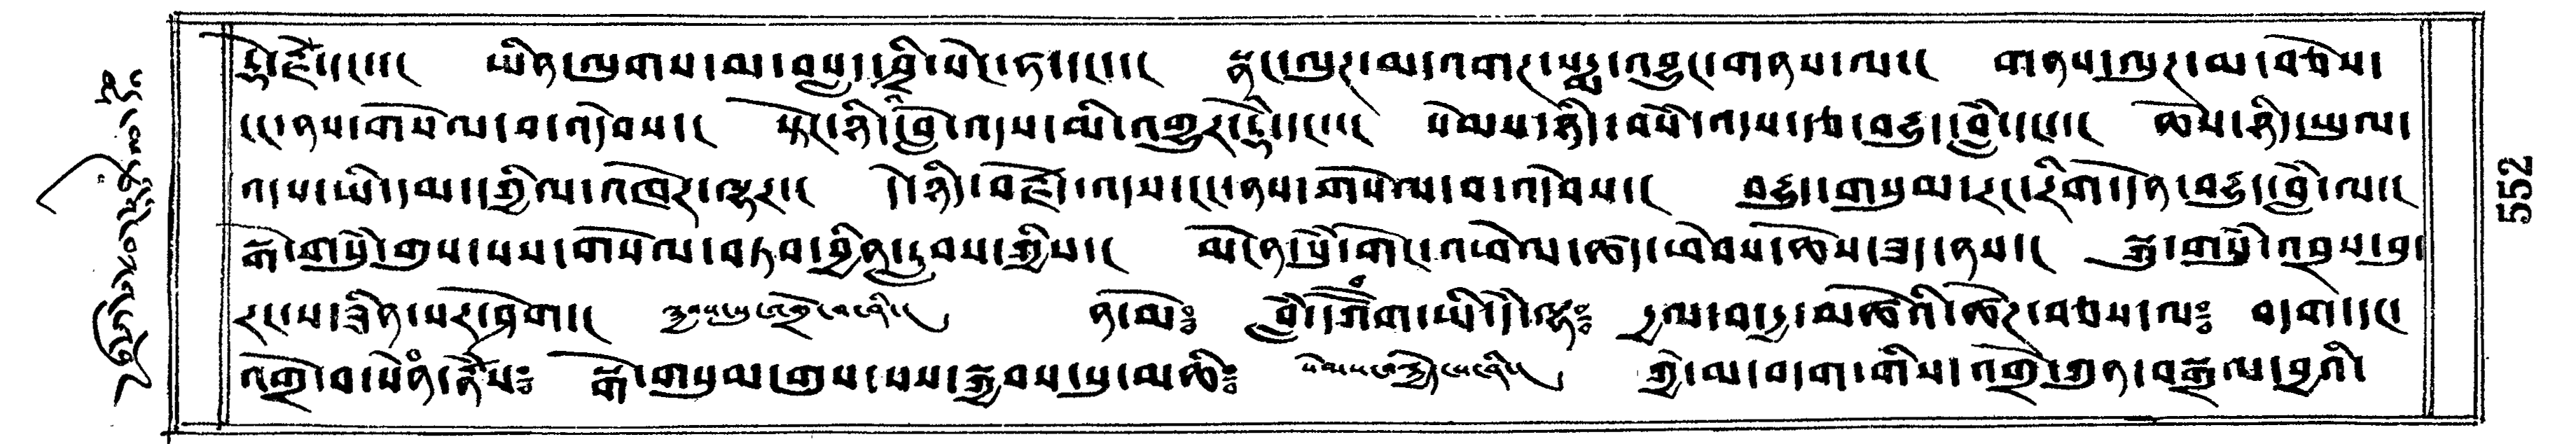རྡོ་རྗེ་དང་། །ཡིན་ལུགས་མ་བསླད་ཤྲཱི་སེང་ཧ་དང་། །སྣང་ལུགས་མ་འགགས་པདྨ་འབྱུང་གནས་ལ། །གནས་ལུགས་མ་བཅོས་
ངང་ནས་གསོལ་བ་འདེབས། །སྟོང་ཉིད་བློ་འདས་མི་འགྱུར་རྡོ་རྗེ་དང་། །སེམས་ཉིད་བསམ་འདས་རྩ་བརྒྱུད་བླ་མ་དང་། །ཆོས་ཉིད་ཡུལ་
འདས་ཡི་དམ་དཀྱིལ་འཁོར་ལྷར། །དེ་ཉིད་བརྗོད་འདས་ངང་ནས་གསོལ་བ་འདེབས། །བརྒྱུད་གསུམ་རང་རིག་དོན་བརྒྱུད་བླ་མ་ལ། །
་སྒོ་གསུམ་གུས་པས་གསོལ་བཏབ་བྱིན་རླབས་ཀྱིས། །མངོན་སུམ་གོང་འཕེལ་ཚད་ཕེབས་ཆོས་ཟད་ནས། །སྐུ་གསུམ་འབྲས་བུའི་
རང་ས་ཟིན་པར་ཤོག སྐྱབས་སུ་འགྲོ་བ་ནི། ན་མོ༔ བླ་མ་དཀོན་མཆོག་ཡི་དམ་ལྷ༔ རྒྱལ་བ་རྒྱ་མཚོའི་ཚོགས་བཅས་ལ༔ བདག་དང་
འགྲོ་བ་སེམས་ཅན་རྣམས༔ སྒོ་གསུམ་གུས་པས་སྐྱབས་སུ་མཆི༔ སེམས་བསྐྱེད་པ་ནི། ཀྱེ་མ༔ བདག་གིས་འགྲོ་ཀུན་བསྒྲལ་བྱའི་